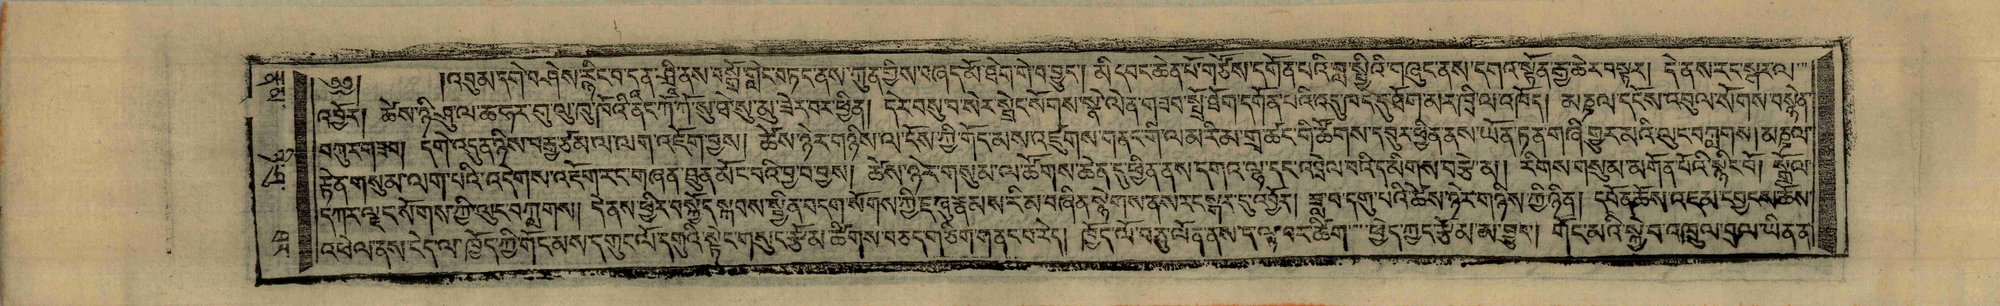༄༅། །འབུམ་དགེ་བཤེས་རྙིང་བ་དན་ཤྲཱི་ནས་བསྒྲོ་གླེང་བཏང་ནས་ཀུན་གྱིས་བཞད་མོ་ཐེག་གེ་བ་བྱུང་། མི་དབང་ཆེན་པོ་གཙོས་དགོན་པའི་བླ་སྤྱིའི་གཞུང་ནས་དགའ་སྟོན་རྒྱ་ཆེར་བསྟར། དེ་ནས་རང་སྒར་ལ་
འབྱོར། ཚེས་ཉི་ཤུ་ལ་ཆ་ཧར་གུ་ལུ་ཁུ་ཁོའི་ནང་ཀོ་ཀོ་སུ་ཐེ་སུ་མུ་ཟེར་བར་ཕྱིན། དེར་བསུ་བ་སེར་སྤྲེང་སོགས་སྣེ་ལེན་གཟབ་སྤྲོ་ཐོག་དགོན་པའི་འདུ་ཁང་དུ་ཐོག་མར་ཁྲི་ལ་འཁོད། མཎྜལ་དངོས་འབུལ་སོགས་བསྙེན་
བཀུར་གཟབ། དགེ་འདུན་ཉིས་བརྒྱ་ཙམ་ལ་ལག་འཇོག་བྱས། ཚེས་ཉེར་གཉིས་ལ་ངོས་ཀྱི་གོང་མས་འཛུགས་གནང་གི་ལམ་རིམ་གྲྭ་ཚང་གི་ཚོགས་དབུར་ཕྱིན་ནས་ཡོན་ཏན་གཞི་གྱུར་མའི་ལུང་བཀླགས། མཎྜལ་
རྟེན་གསུམ་ལག་པའི་འདེགས་འཇོག་རང་གཞན་ཐུན་མོང་བའི་བྱ་བ་བྱས། ཚེས་ཉེར་གསུམ་ལ་ཚོགས་ཆེན་དུ་ཕྱིན་ནས་དགའ་ལྷ་དང་འབྲེལ་བའི་དམིགས་བརྩེ་མ། རིགས་གསུམ་མགོན་པོའི་སྙིང་པོ། སྒྲོལ་
དཀར་ལྗང་སོགས་ཀྱི་ལུང་བཀླགས། དེ་ནས་ཕྱིར་བསྐྱོད་སྐབས་སྦྱིན་བདག་སོགས་ཀྱི་ཇ་ཞུ་རྣམས་རིམ་བཞིན་སྙེགས་ནས་རང་སྒར་དུ་འབྱོར། ཟླ་བ་དགུ་པའི་ཚེས་ཉེར་གཉིས་ཀྱི་ཉིན། དཔོན་ཆོས་འཇམ་དབྱངས་ཆོས་
འཕེལ་ནས་ངེད་ལ་ཁྱོད་ཀྱི་གོང་མས་དགུང་ལོ་དགུའི་སྟེང་གསུང་རྩོམ་ཚིགས་བཅད་གཅིག་གནང་བ་རེད། ཁྱོད་ལོ་བཅུ་ལོན་ནས་ད་ལྟ་བར་ཚིག་ཕྱེད་ཀྱང་རྩོམ་མ་བྱུང་། གོང་མའི་སྐྱེ་བ་འཁྲུལ་བྲལ་ཡིན་ན་